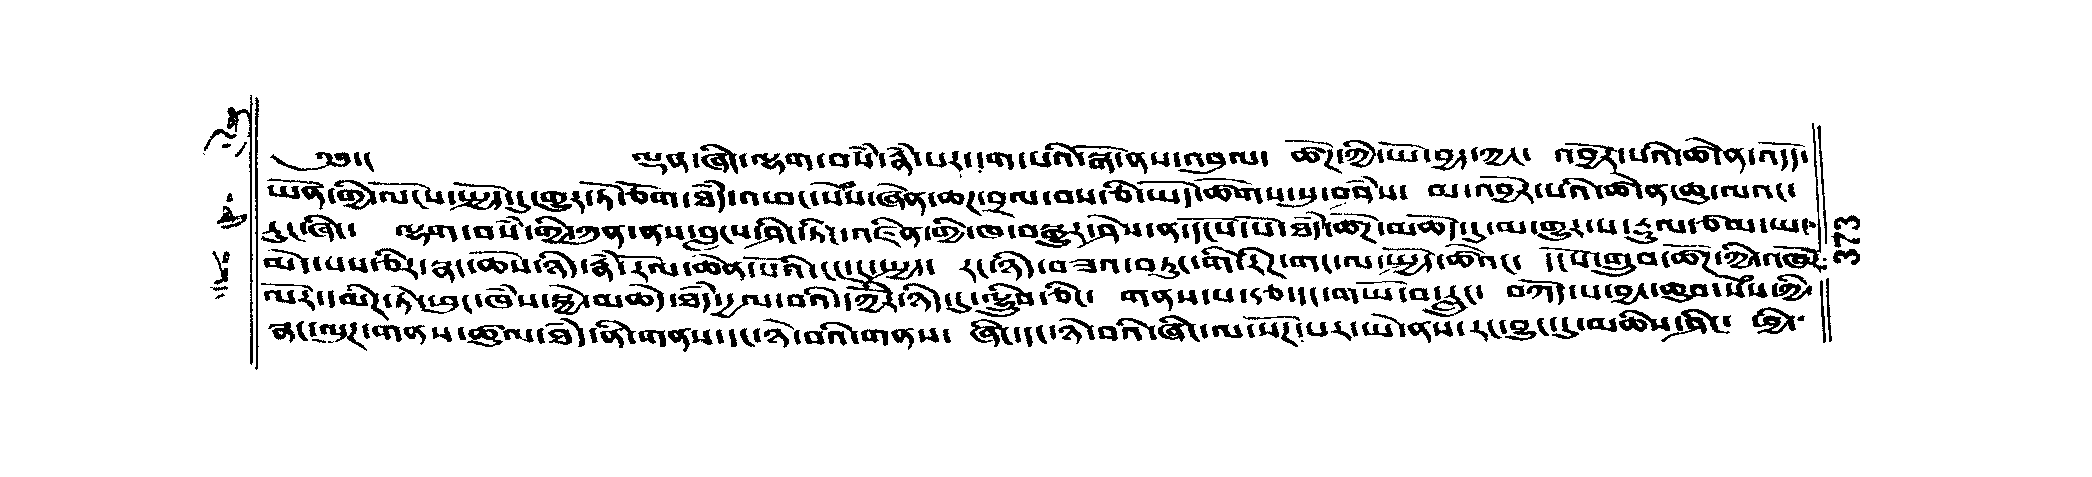ལྡན་ཞིང་ལྷག་བསམ་རྣམ་པར་དག་པའི་སྒོ་ནས་འབུལ། ཚོགས་ཀྱི་ཡོ་བྱད་ཀྱང་། འབྱོར་པའི་ཚེ་ན་འདོད་
ཡོན་གྱི་ལོངས་སྤྱོད་གྱུར་ཏོ་ཅོག་ཐམས་ཅད་འཕང་སེམས་ཞེན་ཆགས་བྲལ་བས་ཅི་ཡོད་ཚོགས་སུ་བཤམས། མ་འབྱོར་བའི་ཚེ་ན་ཆི་ལའང་
རུང་ཞིང་། ལྷག་བསམ་གྱི་ཀུན་ནས་བླངས་ཤིང་ཏིང་འཛིན་གྱི་ཁ་བསྒྱུར་ཤེས་ན་དངོས་པོ་ཐམས་ཅད་ཚོགས་མཆོད་དུ་མ་གྱུར་པ་རྡུལ་ཙམ་ཡང་
མེད་པས་ཅིར་སྣང་ཆོས་ཉིད་རྣམ་རོལ་ཆེན་པོའི་ངང་དུ་སྤྱད། རང་ཉིད་བཟའ་བཏུང་ཏི་རིགས་གང་ལ་སྤྱོད་ཚེའང་། དངོས་གྲུབ་ཚོགས་ཀྱི་འཁོར་
ལོར་དམིགས་ཏེ་ཕུང་ཁམས་སྐྱེ་མཆེད་ཐམས་ཅད་རྒྱལ་བའི་ལདཀྱིལ་འཁོར་ཉིད་དུ་ལྷུན་གྱིས་གྲུབ་ཅིང་། གནས་པ་རྩ་དང་གཡོ་བ་རླུང་བཀོད་པ་བྱང་ཆུབ་སེམས་ཀྱི་
སྣང་ལུགས་གནས་ཚུལ་ཐམས་ཅད་ནི་གནས་དང་ཉེ་བའི་གནས། ཞིང་དང་ཉེ་བའི་ཞིང་ལ་སོགས་པར་ཡེ་ནས་རང་བྱུང་དུ་མཆིས་ཤིང་། ཕྱི་